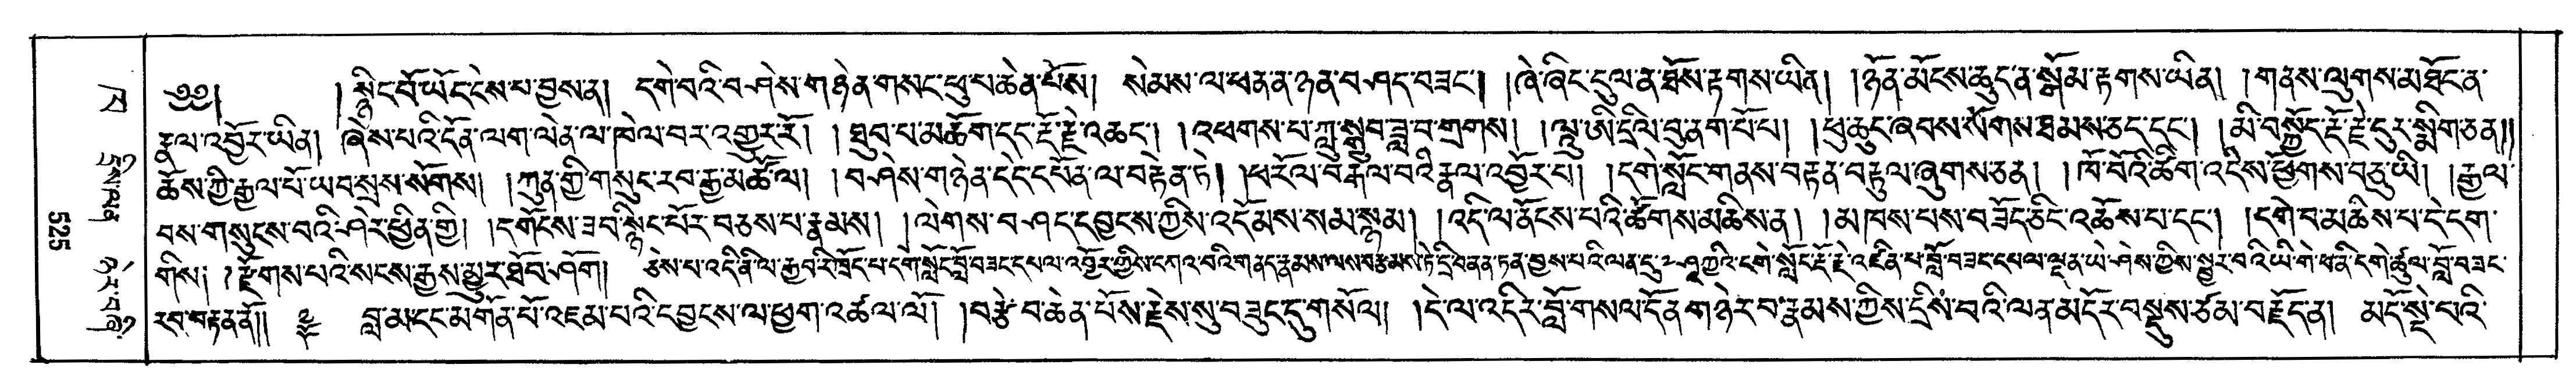༄༅། །སྙིང་པོ་ལོན་ངེས་པ་བྱས་ན། དགེ་བའི་བཤེས་གཉེན་གསང་ཕུ་བ་ཆེན་པོས། སེམས་ལ་ཕན་ན་ཉན་བཤད་བཟང་། །ཞི་ཞིང་དུལ་ན་ཐོས་རྟགས་ཡིན། །ཉོན་མོངས་ཆུང་ན་སྒོམ་རྟགས་ཡིན། །གནས་ལུགས་མཐོང་ན་
རྣལ་འབྱོར་ཡིན། ཞེས་པའི་དོན་ལག་ལེན་ལ་ཁེལ་བར་འགྱུར་རོ། །ཐུབ་པ་མཆོག་དང་རྡོ་རྗེ་འཆང་། །འཕགས་པ་ཀླུ་སྒྲུབ་ཟླ་བ་གྲགས། །ལཱུ་ཨི་དྲིལ་བུ་ནག་པོ་པ། །ཕུ་ཆུང་ཞབས་སོགས་ཐམས་ཅད་དང་། །མི་བསྐྱོད་རྡོ་རྗེ་དུར་སྨྲིག་ཅན།།
ཆོས་ཀྱི་རྒྱལ་པོ་ཡབ་སྲས་སོགས། །ཀུན་གྱི་གསུང་རབ་རྒྱ་མཚོ་ལ། །བཤེས་གཉེན་དེད་དཔོན་ལ་བརྟེན་ཏེ། །ཕ་རོལ་བརྒལ་བའི་རྣལ་འབྱོར་པ། །དགེ་སློང་གནས་བརྟན་བརྟུལ་ཞུགས་ཅན། །ཁོ་བོའི་ཚིག་འདིས་ཕྱོགས་བཅུ་ཡི། །རྒྱལ་
བས་གསུངས་པའི་ཤེར་ཕྱིན་གྱི། །དགོངས་ཟབ་སྙིང་པོར་བཅས་པ་རྣམས། །ལེགས་བཤད་དབྱངས་ཀྱིས་འདོམས་སམ་སྙམ། །འདི་ལ་ནོངས་པའི་ཚོགས་མཆིས་ན། །མཁས་པས་བཟོད་ཅིང་འཆོས་པ་དང་། །དགེ་བ་མཆིས་པ་དེ་དག་
གིས༑ ༑རྫོགས་པའི་སངས་རྒྱས་མྱུར་ཐོབ་ཤོག། ཅེས་པ་འདི་ནི་ལ་རྒྱབ་རི་ཁྲོད་པ་དགེ་སློང་བློ་བཟང་དཔལ་འབྱོར་གྱིས་དཀའ་བའི་གནད་རྣམས་ལས་བརྩམས་ཏེ་དྲི་བ་ནན་ཏན་བྱས་པའི་ལན་དུ་༧་ཤཱཀྱའི་དགེ་སློང་རྡོ་རྗེ་འཛིན་པ་བློ་བཟང་དཔལ་ལྡན་ཡེ་ཤེས་ཀྱིས་སྦྱར་བའི་ཡི་གེ་པ་ནི་དགེ་ཚུལ་བློ་བཟང་
རབ་བརྟན་ནོ།། ༈ བླ་མ་དང་མགོན་པོ་འཇམ་པའི་དབྱངས་ལ་ཕྱག་འཚལ་ལོ། །བརྩེ་བ་ཆེན་པོས་རྗེས་སུ་བཟུང་དུ་གསོལ། །དེ་ལ་འདིར་བློ་གསལ་དོན་གཉེར་བ་རྣམས་ཀྱིས་དྲིས་པའི་ལན་མདོར་བསྡུས་ཙམ་བརྗོད་ན། མདོ་སྡེ་བའི་